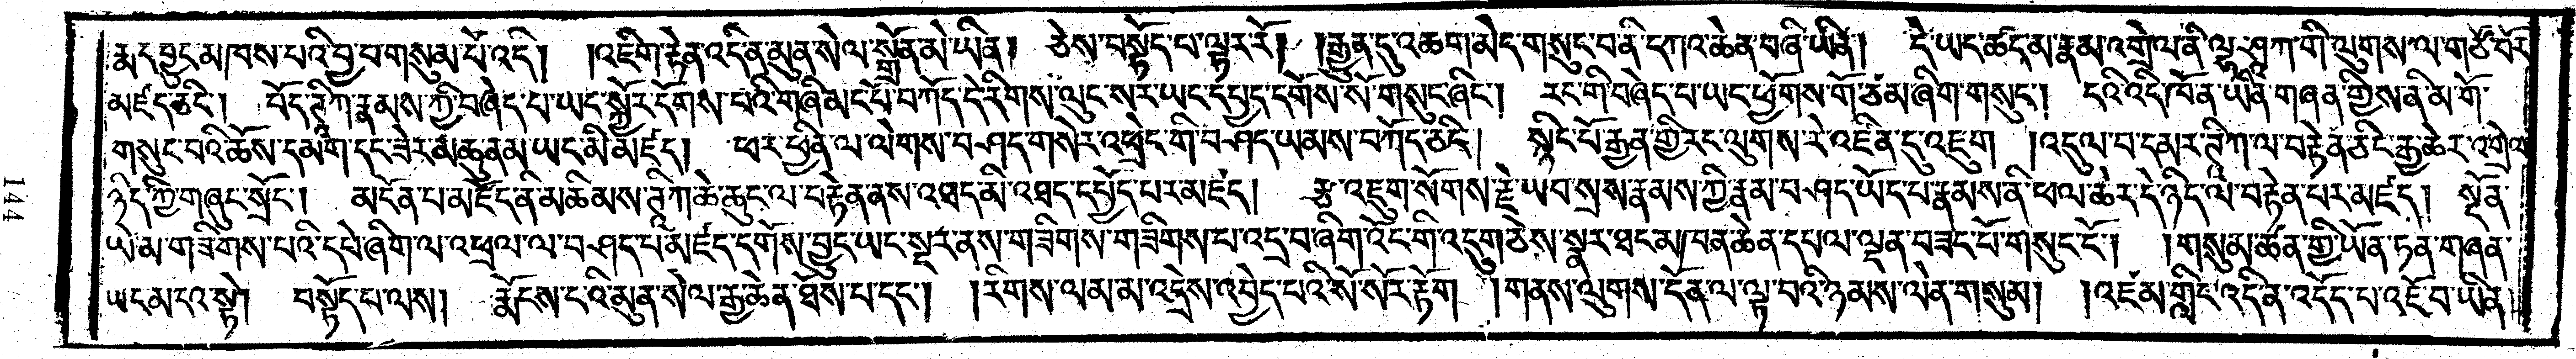རྨད་བྱུང་མཁས་པའི་བྱ་བ་གསུམ་པོ་འདི། །འཇིག་རྟེན་འདི་ན་མུན་སེལ་སྒྲོན་མེ་ཡིན། ཅེས་བསྟོད་པ་ལྟར་རོ། །རྒྱུན་དུ་འཆག་མེད་གསུང་བ་ནི་དཀའ་ཆེན་བཞི་ཡིན། དེ་ཡང་ཚད་མ་རྣམ་འགྲེལ་ནི་ལྷ་ཤཱཀ་གི་ལུགས་ལ་གཙོ་བོར་
མཛད་ཅིང་། བོད་ཊཱིཀ་རྣམས་ཀྱི་བཞེད་པ་ཡང་སྐྱོར་དོགས་པའི་གཞི་མང་པོ་བཀོད་དེ་རིགས་ལུང་སར་ཡང་དཔྱད་དགོས་སོ་གསུང་ཞིང་། རང་གི་བཞེད་པ་ཡང་ཕྱོགས་གོ་ཙམ་ཞིག་གསུང་། དའི་འདི་ཁོ་ན་ཡིན་གཞན་གྱིས་ནི་མ་གོ་
གསུང་བའི་ཆོས་དམག་དང་ཟེར་མཆུ་ནམ་ཡང་མི་མཛད། ཕར་ཕྱིན་ལ་ལེགས་བཤད་གསེར་འཕྲེང་གི་བཤད་ཡམས་བཀོད་ཅིང་། སྙིང་པོ་རྒྱན་གྱི་རང་ལུགས་རེ་འཛིན་དུ་འཇུག །འདུལ་བ་དམར་ཊཱིཀ་ལ་བརྟེན་ཅིང་རྒྱ་ཆེར་འགྲེལ་
ཉིད་ཀྱི་གཞུང་སྲོང་། མངོན་པ་མཛོད་ནི་མཆིམས་ཊཱིཀ་ཆེ་ཆུང་ལ་བརྟེན་ནས་འཐད་མི་འཐད་དཔྱོད་པར་མཛད། རྩ་འཇུག་སོགས་རྗེ་ཡབ་སྲས་རྣམས་ཀྱི་རྣམ་བཤད་ཡོད་པ་རྣམས་ནི་ཕལ་ཆེར་དེ་ཉིད་ལ་བརྟེན་པར་མཛད། སྔོན་
ཡེ་མ་གཟིགས་པའི་དཔེ་ཞིག་ལ་འཕྲལ་ལ་བཤད་པ་མཛད་དགོས་བྱུང་ཡང་སྔར་ནས་གཟིགས་གཟིགས་པ་འདྲ་བ་ཞིག་འོང་གི་འདུག་ཅེས་སྣར་ཐང་མཁན་ཆེན་དཔལ་ལྡན་བཟང་པོ་གསུང་ངོ། །གསུམ་ཚན་གྱི་ཡོན་ཏན་གཞན་
ཡང་མངའ་སྟེ། བསྟོད་པ་ལས། རྨོངས་པའི་མུན་སེལ་རྒྱ་ཆེན་ཐོས་པ་དང་། །རིགས་ལམ་མ་འདྲེས་འབྱེད་པའི་སོ་སོར་རྟོག །གནས་ལུགས་དོན་ལ་ལྟ་བའི་ཉམས་ལེན་གསུམ། །འཛམ་གླིང་འདི་ན་འདོད་པ་འཇོ་བ་ཡིན་།